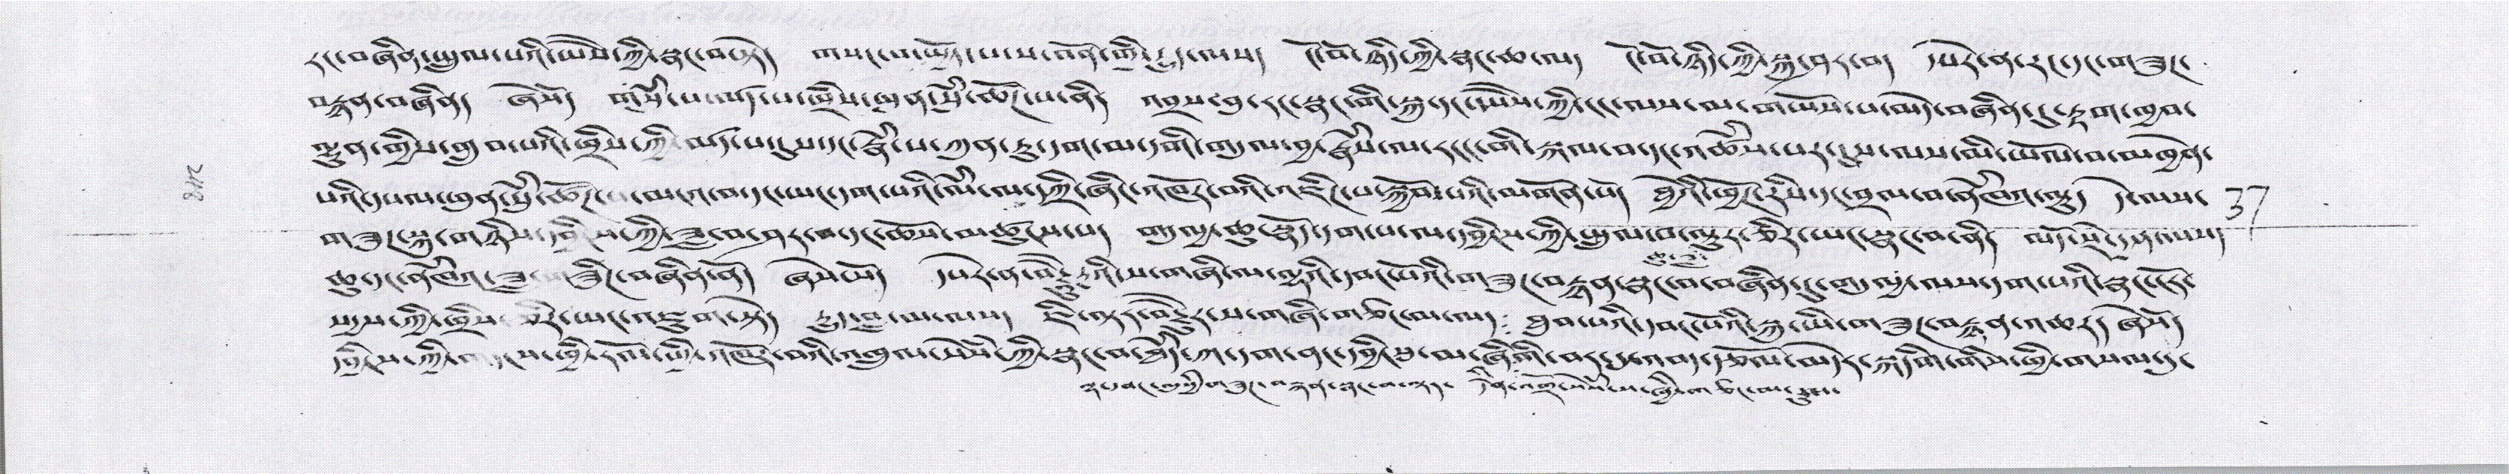རང་བཞིན་སྤྲུལ་པའི་ཡེ་ཤེས་ཀྱི་སྣང་བ་སྟེ། གསང་བ་སྤྱོད་པ་ས་བོན་གྱི་རྒྱུད་ལས། ངོ་བོ་ཉིད་ཀྱི་སྣང་ཆ་ལ། ངོ་བོ་ཉིད་ཀྱི་སྐུ་ཤར་བ། དཔེར་ན་རང་དང་གཟུགས་
བརྙན་བཞིན། ཞེས་སོ། གསུམ་པ་མཛད་པ་ཕྲིན་ལས་ཕུན་སུམ་ཚོགས་པ་ནི། འབྲས་བུ་རང་སྣང་གི་སྐུ་དང་ཡེ་ཤེས་ཀྱི་ངང་ལས་མ་གཡོས་པ་མེད་བཞིན་དུ་རྟག་ཁྱབ་
ལྷུན་གྱིས་གྲུབ་པའི་ཕྲིན་ལས་ཀྱི་མཛད་པ་དུས་དང་རྣམ་པ་ཀུན་ཏུ་དག་མ་དག་གི་གདུལ་བྱ་རྣམས་ལ་རང་རང་གི་སྐལ་པ་དང་འཚམས་པར་དུས་ལས་མི་ཡོལ་བ་མཁྱེན་
པའི་དཔལ་ཕུན་སུམ་ཚོགས་པ་མངའ་བ་དང་ཡང་དག་པའི་ལམ་ལ་དཀྲི་ཞིང་འཁོར་བའི་འཇིགས་པ་སྐྱོབ་པའི་མགོན་པོ། ཐུགས་རྗེའི་ཕྱོགས་རིས་དང་བྲལ་བ་ནམ་མཁའ་ལྟ་བུ། དེ་ལས་
གཟུགས་སྐུ་གཉིས་དབྱིངས་ཀྱི་ཟླ་བ་ཤར་བ་དང་ཆོས་མཚུངས་པ། གདུལ་བྱ་ཆུ་སྣོད་དག་པ་ལ་དབྱིངས་ཀྱི་སྤྲུལ་པ་ཆུ་ཟླ་ལྟ་བུར་ཅིར་ཡང་སྣང་བ་ནི། མདོ་སྡེ་རྒྱན་ལས། 
ཆུ་དང་ནམ་མཁའ་ཟླ་གཟུགས་གི་བཞིན་ནོ། ཞེས་སོ། དཔེར་ན་བཻཌཱུརྱའིི་ས་གཞི་ལ་ལྷའི་དབང་པོའི་གཟུགས་བརྙན་སྣང་བ་བཞིན་དུ་གདུལ་བྱ་ལས་དག་པའི་སྣང་ངོར་
སངས་རྒྱས་ཀྱི་ཕྲིན་ལས་ཅིར་ཡང་འཇུག་སྟེ། རྒྱུད་བླ་མ་ལས། ཇི་ལྟར་བཻཌཱུར་ས་གཞི་གཙང་མ་ལ། ལྷ་དབང་ལུས་ཀྱི་གཟུགས་བརྙན་སྣང་བ་ལྟར། དེ་བཞིན་འགྲོ་སེམས་ས་གཞི་གཙང་མ་རུས། ཐུབ་པའི་དབང་པོའི་སྐུ་ཡི་གཟུགས་བརྙན་འཆར། ཞེས་སོ། 
དབྱིངས་ཀྱི་འདངས་ཕྱི་རོལ་གྱི་འཁོར་བའི་འཁྲུལ་སེམས་ཀྱི་སྣང་བ་ཐམས་ཅད་ཀ་དག་ནང་དབྱིངས་སུ་མ་ཞིག་གི་བར་དུ་འབད་རྩོལ་མེད་པར་སྐད་ཅིག་གིས་ཕྱི་གསལ་དུ་